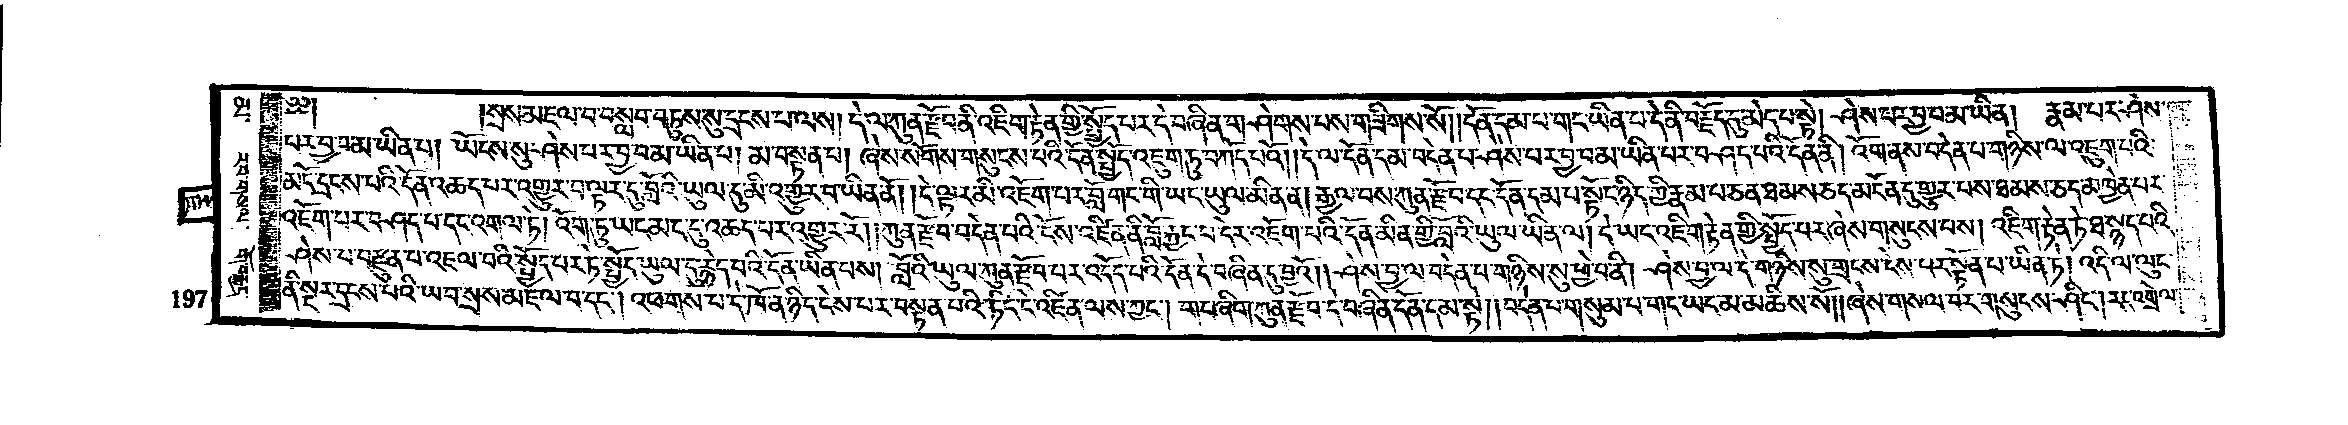༄༅། །སྲས་མཇལ་བ་བསླབ་བཏུས་སུ་དྲངས་པ་ལས། དེ་ལ་ཀུན་རྫོབ་ནི་འཇིག་རྟེན་གྱི་སྤྱོད་པར་དེ་བཞིན་གཤེགས་པས་གཟིགས་སོ། །དོན་དམ་པ་གང་ཡིན་པ་དེ་ནི་བརྗོད་དུ་མེད་པ་སྟེ། ཤེས་པར་བྱ་བ་མ་ཡིན། རྣམ་པར་ཤེས་
པར་བྱ་བ་མ་ཡིན་པ། ཡོངས་སུ་ཤེས་པར་བྱ་བ་མ་ཡིན་པ། མ་བསྟན་པ། ཞེས་སོགས་གསུངས་པའི་དོན་སྤྱོད་འཇུག་ཏུ་བཀོད་པའོ། །དེ་ལ་དོན་དམ་བདེན་པ་ཤེས་པར་བྱ་བ་མ་ཡིན་པར་བཤད་པའི་དོན་ནི། འོག་ནས་བདེན་པ་གཉིས་ལ་འཇུག་པའི་
མདོ་དྲངས་པའི་དོན་འཆད་པར་འགྱུར་བ་ལྟར་དུ་བློའི་ཡུལ་དུ་མི་འགྱུར་བ་ཡིན་ནོ། །དེ་ལྟར་མི་འཇོག་པར་བློ་གང་གི་ཡང་ཡུལ་མིན་ན། རྒྱལ་བས་ཀུན་རྫོབ་དང་དོན་དམ་པ་སྟོང་ཉིད་ཀྱི་རྣམ་པ་ཅན་ཐམས་ཅད་མངོན་དུ་གྱུར་པས་ཐམས་ཅད་མཁྱེན་པར་
འཇོག་པར་བཤད་པ་དང་འགལ་ཏེ། འོག་ཏུ་ཡང་མང་དུ་འཆད་པར་འགྱུར་རོ། །ཀུན་རྫོབ་བདེན་པའི་ངོས་འཛིན་ནི་བློ་རྐྱང་པ་དེར་འཇོག་པའི་དོན་མིན་གྱི་བློའི་ཡུལ་ཡིན་ལ། དེ་ཡང་འཇིག་རྟེན་གྱི་སྤྱོད་པར་ཞེས་གསུངས་པས། འཇིག་རྟེན་ཏེ་ཐ་སྙད་པའི་
ཤེས་པ་བརྫུན་པ་འཇལ་བའི་སྤྱོད་པར་ཏེ་སྤྱོད་ཡུལ་དུ་རྙེད་པའི་དོན་ཡིན་པས། བློའི་ཡུལ་ཀུན་རྫོབ་པར་འདོད་པའི་དོན་དེ་བཞིན་དུ་བྱའོ། །ཤེས་བྱ་ལ་བདེན་པ་གཉིས་སུ་ཕྱེ་བ་ནི། ཤེས་བྱ་ལ་དེ་གཉིས་སུ་གྲངས་ངེས་པར་སྟོན་པ་ཡིན་ཏེ། འདི་ལ་ལུང་
ནི་སྔར་དྲངས་པའི་ཡབ་སྲས་མཇལ་བ་དང་། འཕགས་པ་དེ་ཁོ་ན་ཉིད་ངེས་པར་བསྟན་པའི་ཏིང་ངེ་འཛིན་ལས་ཀྱང་། གང་ཞིག་ཀུན་རྫོབ་དེ་བཞིན་དོན་དམ་སྟེ། །བདེན་པ་གསུམ་པ་གང་ཡང་མ་མཆིས་སོ། །ཞེས་གསལ་བར་གསུངས་ཤིང་། རང་འགྲེལ་